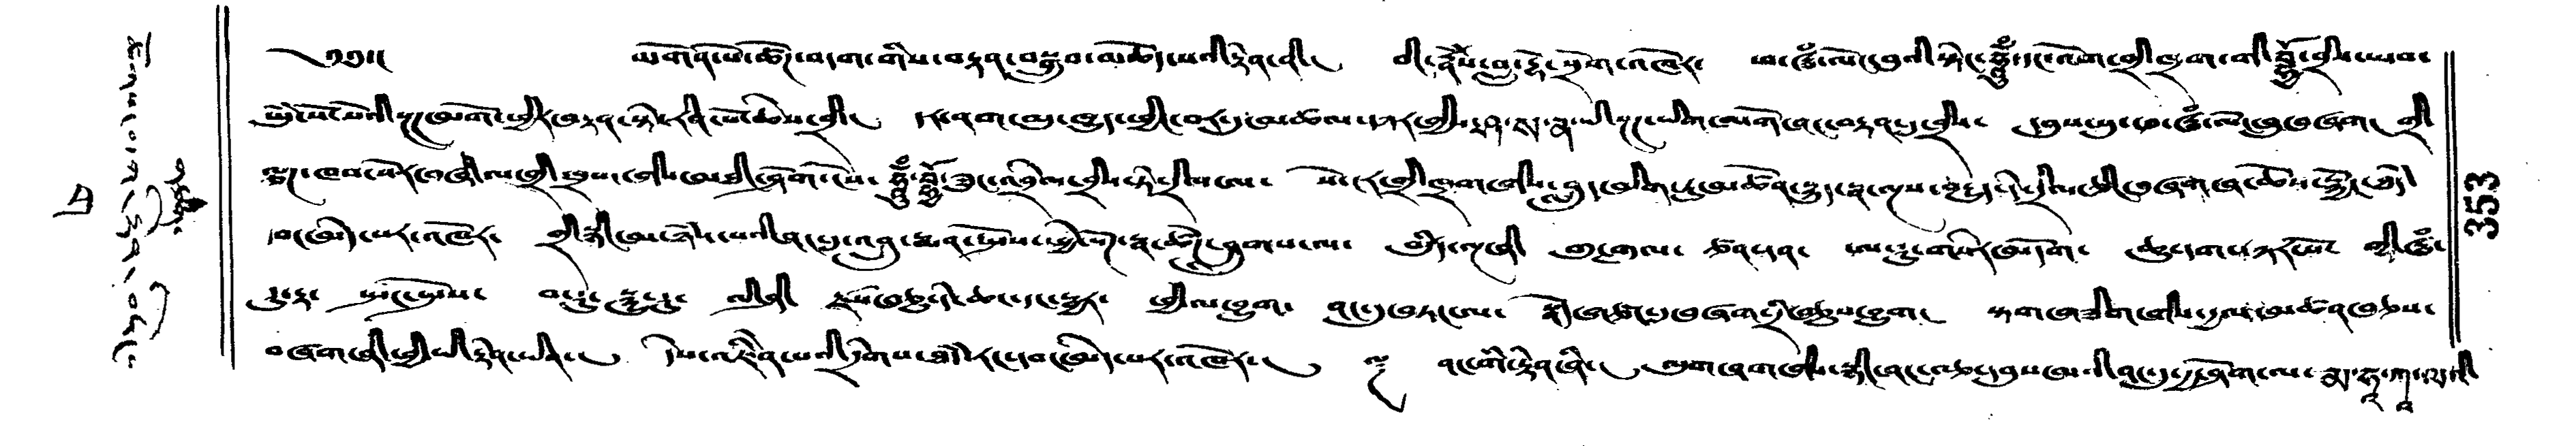མགོན་པོ་ཚོགས་བདག་གི་རྟེན་སྒྲུབ་མཆོད་པའི་རྟེན་ནི། བིང་རྣམས་བླ་རྡོ་སྲོག་འཁོར། ཕ་ཝཾ་ལོང་བུའི་སྟེང་ཧཱུྃ་དང་འོག་གྲི་ཁྲག་གི་བྷྱོ་བྲིས་ཡབ་
ཡུམ་སོ་སོའི་སྔགས་མགོ་ཕྱིར་བསྟན་སྟེ་རིན་པོ་ཆེས་བྲིས། དར་ནག་མུ་ཁྱུད་ཕྱིང་བར་དུ་མཚལ་དཀར་གྱིས་ཤ་ས་ན་ཡི་སྔགས་ཡིག་མགོ་ནང་བསྟན་དུ་བྲིས། དབུས་སུ་ཕ་ཝཾ་ལོང་བུ་བཞག གྲི་
ལྕགས་ཁབ་སོར་བཞི་ལ་གྲི་ཁྲག་གི་མཐིང་ཤོག་ངོས་ཧཱུྃ་བྷྱོ་ཟུང་འབྲེལ་བྲིས་ཏེ་དྲིལ་ལ། སོ་ངར་གྲི་ཁྲག་གིས་བླུད་མིག་ཏུ་མཚོན་སྐུད་སྣ་ལྔས་བརྒྱུད་དེ་དྲིལ་ཅིང་བཞག་ན་ཆོས་སྐྱོང་ཐམས་ཅད་
དབང་མེད་པར་འཁོར། གྲི་སྙིང་མ་ཉམས་པའི་ནང་དུ་འབྲུ་སྨན་སྤོས་ཕྱེ་སོགས་སྣ་ཚོགས་བླུགས་ལ། བདུད་རྩི་ལྔ་ནི། གུ་གུལ། ཙན་དན། ཨ་རུ་གསེར་མདོག ཆུ་དག་དཀར་པོ། གྷི་ཝཾ། 
རུ་རྟ། སྤང་སྤོས། བ་རུ་སྐྱུ་རུ། ལི་ཤི རྫས་བཅུ་སྟེ་ཆང་དང་སྦྱར། ཕྱི་ལ་བྱུགས། ནང་དུ་བཏང་ལ། སྣོད་གཙང་དུ་བཞག་དྲི་ཆུས་བྱུགས། སྟག་གཟིག་གི་རྒྱལ་མཚན་བཅས་
བཞག་ན་ཕྱི་ཡི་རྟེན་ཡིན། དེས་འཇིག་རྟེན་པའི་དྲེགས་པ་ཐམས་ཅད་རང་དབང་མེད་པར་འཁོར། ༈ ནང་གི་རྟེན་ནི། ལུག་ནག་གི་སྙིང་ནང་རྩ་དབུ་མའི་ནང་དུ་རྒྱ་ཤོག་ལ་མ་ཧཱ་ཀཱ་ལ འི་